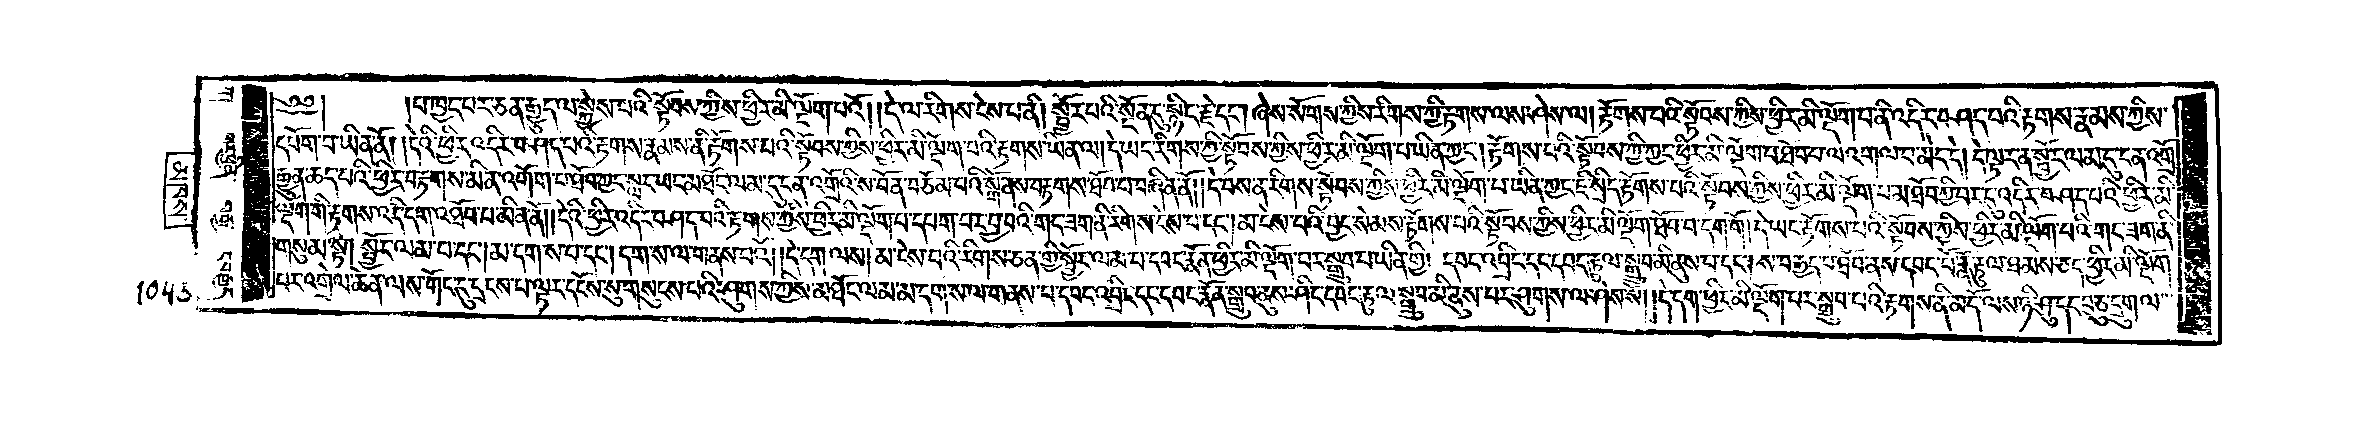༄༅། །པ་ཁྱད་པར་ཅན་རྒྱུད་ལ་སྐྱེས་པའི་སྟོབས་ཀྱིས་ཕྱིར་མི་ལྡོག་པའོ། །དེ་ལ་རིགས་ངེས་པ་ནི། སྦྱོར་པའི་སྔོན་དུ་སྙིང་རྗེ་དང་། ཞེས་སོགས་ཀྱིས་རིགས་ཀྱི་རྟགས་ལས་ཤེས་ལ། རྟོགས་པའི་སྟོབས་ཀྱིས་ཕྱིར་མི་ལྡོག་པ་ནི་འདིར་བཤད་པའི་རྟགས་རྣམས་ཀྱིས་
དཔོག་པ་ཡིན་ནོ། །དེའི་ཕྱིར་འདིར་བཤད་པའི་རྟགས་རྣམས་ནི་རྟོགས་པའི་སྟོབས་ཀྱིས་ཕྱིར་མི་ལྡོག་པའི་རྟགས་ཡིན་ལ། དེ་ཡང་རིགས་ཀྱི་སྟོབས་ཀྱིས་ཕྱིར་མི་ལྡོག་པ་ཡིན་ཀྱང་། རྟོགས་པའི་སྟོབས་ཀྱི་ཀྱང་ཕྱིར་མི་ལྡོག་པ་ཐོབ་པ་ལ་འགལ་བ་མེད་དེ། དེ་ལྟར་ན་སྦྱོར་ལམ་དུ་ངན་འགྲོ་
རྒྱུན་ཆད་པའི་ཕྱིར་བརྟགས་མིན་འགོག་པ་ཐོབ་ཀྱང་སླར་ཡང་མཐོང་ལམ་དུ་ངན་འགྲོའི་ས་བོན་བཅོམ་པའི་སྒོ་ནས་བརྟགས་ཐོབ་པ་བཞིན་ནོ། །དེ་བས་ན་རིགས་སྟོབས་ཀྱིས་ཕྱིར་མི་ལྡོག་པ་ཡིན་ཀྱང་ཇི་སྲིད་རྟོགས་པའི་སྟོབས་ཀྱིས་ཕྱིར་མི་ལྡོག་པ་མ་ཐོབ་ཀྱི་བར་དུ་འདིར་བཤད་པའི་ཕྱིར་མི་
ལྡོག་གི་རྟགས་འདི་དག་འཐོབ་པ་མིན་ནོ། །དེའི་ཕྱིར་འདིར་བཤད་པའི་རྟགས་ཀྱིས་ཕྱིར་མི་ལྡོག་པ་དཔག་པར་བྱ་བའི་གང་ཟག་ནི་རིགས་ངེས་པ་དང་། མ་ངེས་པའི་བྱང་སེམས་རྟོགས་པའི་སྟོབས་ཀྱིས་ཕྱིར་མི་ལྡོག་ཐོབ་པ་དག་གོ །དེ་ཡང་རྟོགས་པའི་སྟོབས་ཀྱིས་ཕྱིར་མི་ལྡོག་པའི་གང་ཟག་ནི་
གསུམ་སྟེ། སྦྱོར་ལམ་པ་དང་། མ་དག་ས་བ་དང་། དག་ས་ལ་གནས་པའོ། །དེ་དག་ལས། མ་ངེས་པའི་རིགས་ཅན་གྱི་སྦྱོར་ལམ་པ་དབང་རྣོན་ཕྱིར་མི་ལྡོག་པར་སྒྲུབ་པ་ཡིན་གྱི། དབང་འབྲིང་དང་དབང་རྟུལ་སྒྲུབ་མི་ནུས་པ་དང་། ས་བརྒྱད་པ་ཐོབ་ནས་དབང་པོ་རྣོ་རྟུལ་ཐམས་ཅད་ཕྱིར་མི་ལྡོག་
པར་འགྲེལ་ཆེན་ལ་གོང་དུ་དྲངས་པ་ལྟར་དངོས་སུ་གསུངས་པའི་ཤུགས་ཀྱིས་མཐོང་ལམ་མ་དག་ས་ལ་གནས་པ་དབང་འབྲིང་དང་དབང་རྣོན་སྒྲུབ་ནུས་ཤིང་དབང་རྟུལ་སྒྲུབ་མི་ནུས་པར་ཤུགས་ལ་ཤེས་སོ། །དེ་དག་ཕྱིར་མི་ལྡོག་པར་སྒྲུབ་པའི་རྟགས་ནི་མདོ་ལས་ཉི་ཤུ་དང་བཅུ་དྲུག་ལ་